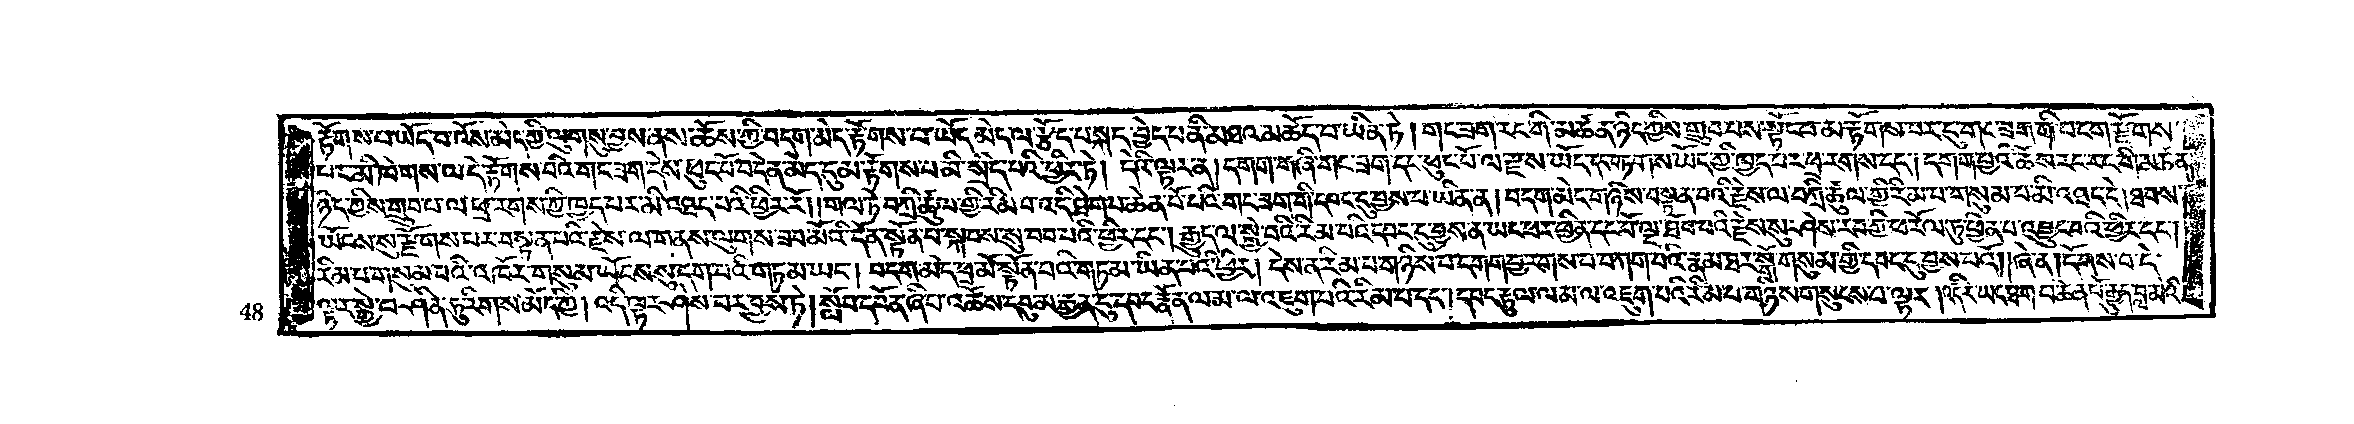རྟོགས་པ་ཡོད་པ་འོས་མེད་ཀྱི་ལུགས་སུ་བྱས་ནས་ཆོས་ཀྱི་བདག་མེད་རྟོགས་པ་ཡོད་མེད་ལ་རྩོད་པ་སྐད་བྱེད་པ་ནི་མཐའ་མཆོད་པ་ཡིན་ཏེ། གང་ཟག་རང་གི་མཚན་ཉིད་ཀྱིས་གྲུབ་པས་སྟོང་པ་མ་རྟོགས་པར་དུ་གང་ཟག་གི་བདག་རྫོགས་
པར་མི་ཁེགས་ལ་དེ་རྟོགས་པའི་གང་ཟག་དེས་ཕུང་པོ་བདེན་མེད་དུ་མ་རྟོགས་པ་མི་སྲིད་པའི་ཕྱིར་ཏེ། དེའི་ལྟར་ན། དགག་གཞི་གང་ཟག་དང་ཕུང་པོ་ལ་རྫས་ཡོད་དང་བཏགས་ཡོད་ཀྱི་ཁྱད་པར་ཕྲ་རགས་དང་། དགག་བྱའི་ཆོས་རང་རང་གི་མཚན་
ཉིད་ཀྱིས་གྲུབ་པ་ལ་ཕྲ་རགས་ཀྱི་ཁྱད་པར་མི་འཐད་པའི་ཕྱིར་རོ། །གལ་ཏེ་བཀྲི་ཚུལ་གྱི་རིམ་པ་འདི་ཐེག་པ་ཆེན་པོ་པའི་གང་ཟག་གི་དབང་དུ་བྱས་པ་ཡིན་ན། བདག་མེད་གཉིས་བསྟན་པའི་རྗེས་ལ་བཀྲི་ཚུལ་གྱི་རིམ་པ་གསུམ་པ་མི་འཐད་དེ། ཐབས་
ཡོངས་སུ་རྫོགས་པར་བསྟན་པའི་རྗེས་ལ་གནས་ལུགས་ཟབ་མོའི་དོན་སྟོན་པ་སྐབས་སུ་བབ་པའི་ཕྱིར་དང་། རྒྱུད་ལ་སྐྱེ་བའི་རིམ་པའི་དབང་དུ་བྱས་ན་ཡང་ཕར་ཕྱིན་དང་པོ་ལྔ་ཐོབ་པའི་རྗེས་སུ་ཤེས་རབ་ཀྱི་ཕ་རོལ་ཏུ་ཕྱིན་པ་འབྱུང་བའི་ཕྱིར་དང་།
རིམ་པ་གསུམ་པའི་འཁོར་གསུམ་ཡོངས་སུ་དག་པའི་གཏམ་ཡང་། བདག་མེད་ཕྲ་མོ་སྟོན་པའི་གཏམ་ཡིན་པའི་ཕྱིར། དེས་ན་རིམ་པ་གཉིས་པ་དགག་བྱ་རགས་པ་བཀག་པའི་རྣམ་ཐར་སྒོ་གསུམ་གྱི་དབང་དུ་བྱས་པའོ། །ཞེ་ན། དོགས་པ་དེ་
ལྟར་སྐྱེ་བ་ཤིན་ཏུ་རིགས་མོད་ཀྱི། འདི་ལྟར་ཤེས་པར་བྱས་ཏེ། སློབ་དཔོན་ཞི་བ་འཚོས?་དབུ་མ་རྒྱན་དུ་དབང་རྣོན་ལམ་ལ་འཇུག་པའི་རིམ་པ་དང་། དབང་རྟུལ་ལམ་ལ་འཇུག་པའི་རིམ་པ་གཉིས་གསུངས་པ་ལྟར། འདིར་ཡང་ཐེག་པ་ཆེན་པོ་རྒྱུད་བླ་མའི་